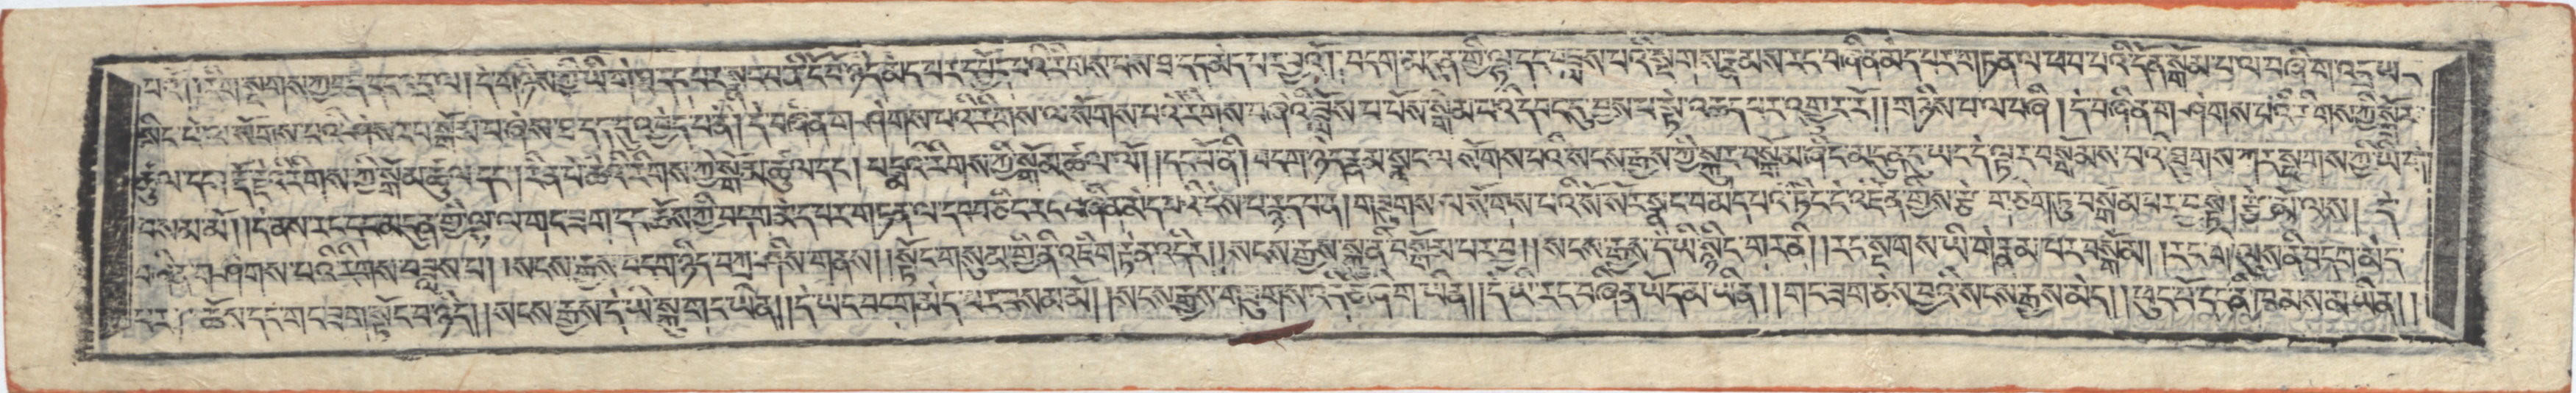པའོ། །རིག་སྔགས་ཀྱང་དེ་དང་འདྲ་ལ། དེ་གཉིས་ཀྱི་ཡི་གེ་ཐ་དད་པར་སྣང་བ་ནི་ངོ་བོ་ཉིད་མེད་པར་དཔྱོད་པའི་རིགས་པས་ཐ་དད་མེད་པར་བྱའོ། །བདག་མདུན་གྱི་ལྷ་དང་བཟླས་པའི་སྔགས་རྣམས་རང་བཞིན་མེད་པར་གཏན་ལ་ཕབ་པའི་དོན་སྒོམ་པ་ལ་བཞི་ག་འདྲ་ཡང་
སྙིང་པོ་ལ་སོགས་པའི་ཤེས་རབ་སྒོམ་པ་ཞེས་ཐ་དད་དུ་འབྱེད་པ་ནི། དེ་བཞིན་གཤེགས་པའི་རིགས་ལ་སོགས་པའི་རིགས་བཞིའི་ཟློས་པ་པོས་སྒོམ་པའི་དབང་དུ་བྱས་པ་སྟེ་འཆད་པར་འགྱུར་རོ། །གཉིས་པ་ལ་བཞི་།དེ་བཞིན་གཤེགས་པའི་རིགས་ཀྱི་སྒོམ་
ཚུལ་དང་། རྡོ་རྗེའི་རིགས་ཀྱི་སྒོམ་ཚུལ་དང་། རིན་པོ་ཆེའི་རིགས་ཀྱི་སྒོམ་ཚུལ་དང་། པདམའི་རིགས་ཀྱི་སྒོམ་ཚུལ་ལོ། །དང་པོ་ནི། བདག་ཉིད་རྣམ་སྣང་ལ་སོགས་པའི་སངས་རྒྱས་ཀྱི་སྐུར་བསྒོམ་ཞིང་མདུན་དུ་ཡང་དེ་ལྟར་བསྒོམས་པའི་ཐུགས་ཀར་སྔགས་ཀྱི་ཡི་གེ་
བསམ་མོ། །དེ་ནས་རང་དང་མདུན་གྱི་ལྷ་ལ་གང་ཟག་དང་ཆོས་ཀྱི་བདག་མེད་པར་གཏན་ལ་དབབ་ཅིང་རང་བཞིན་མེད་པའི་ངེས་པ་རྙེད་པ་ན། གཟུགས་ལ་སོགས་པའི་སོ་སོར་སྣང་བ་མེད་པའི་ཏིང་ངེ་འཛིན་གྱིས་རྩེ་གཅིག་ཏུ་བསྒོམ་པར་བྱ་སྟེ། རྩེ་མོ་ལས། དེ་
བཞིན་གཤེགས་པའི་རིགས་བཟླས་པ། །སངས་རྒྱས་བདག་ཉིད་བཀྲ་ཤིས་གནས། །སྟོང་གསུམ་གྱི་ནི་འཇིག་རྟེན་འདིར། །སངས་རྒྱས་སྐུ་ནི་བསྒོམ་པར་བྱ། །སངས་རྒྱས་དེ་ཡི་སྙིང་གར་ནི། །རང་སྔགས་ཡི་གེ་རྣམ་པར་བསྒོམ། །རང་གི་ལུས་ནི་བདག་མེད་
པར༑ ཆོས་དང་གང་ཟག་སྟོང་པ་ཉིད། །སངས་རྒྱས་དེ་ཡི་སྐུ་གང་ཡིན། །དེ་ཡང་བདག་མེད་པར་བསམ་མོ། །སངས་རྒྱས་གཟུགས་འདི་ཅི་ཞིག་ཡིན། །དེ་ཡི་རང་བཞིན་ཡོད་མ་ཡིན། །གང་ཟག་ཅེས་བྱའི་སངས་རྒྱས་མེད། །ཕུང་པོ་དང་ནི་ཁམས་མ་ཡིན། །